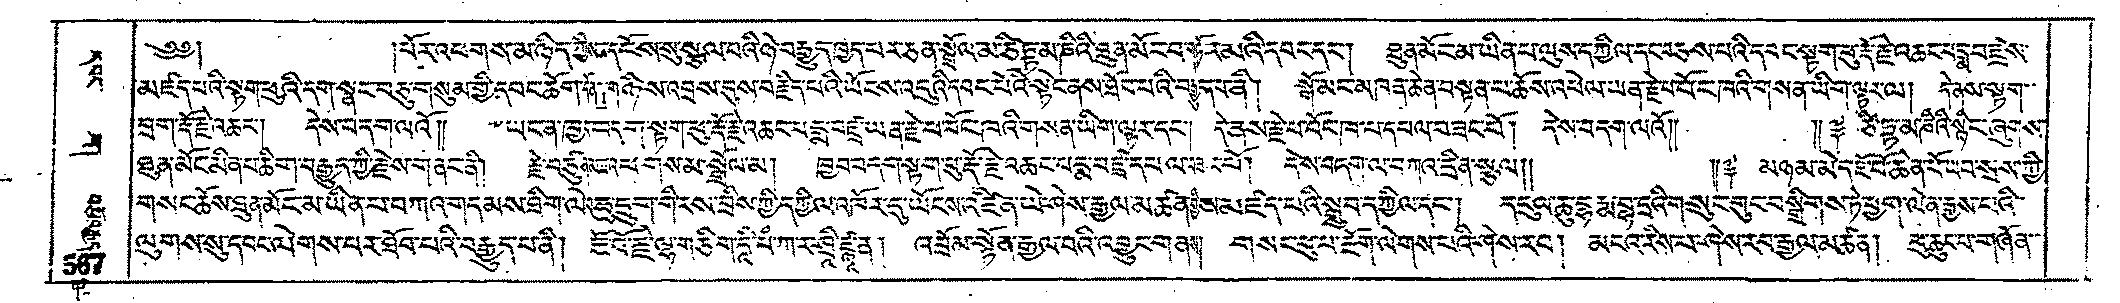༄༅། །པོར་འཕགས་མ་ཉིད་ཀྱིས་དངོས་སུ་སྩལ་བའི་ཉེ་བརྒྱུད་ཁྱད་པར་ཅན་སྒྲོལ་མ་ཙྟྟི་མ་ཎིའི་ཐུན་མོང་བ་གཏོར་མའི་དབང་དང་། ཐུན་མོང་མ་ཡིན་པ་ལུས་དཀྱིལ་དང་བཅས་པའི་དབང་སྟག་ཕུ་རྡོ་རྗེ་འཆང་པདམ་བྫྲས་
མཛད་པའི་སྟག་ཕུའི་དག་སྣང་བཅུ་གསུམ་གྱི་དབང་ཆོག་དོན་གཉིས་འབྲས་བུས་བརྗིད་པའི་ཡོངས་འདུའི་དབང་པོའི་སྟེང་ནས་ཐོབ་པའི་བརྒྱུད་པ་ནི། སྒོ་མང་མཁན་ཆེན་བསྟན་པ་ཆོས་འཕེལ་ཡན་རྗེ་ཕ་བོང་ཁའི་གསན་ཡིག་ལྟར་ལ། དེ་ནས་སྟག་
བྲག་རྡོ་རྗེ་འཆང་། དེས་བདག་ལའོ།། ༧་ཡང་ན་ཁྱབ་བདག་སྟག་ཕུ་རྡོ་རྗེ་འཆང་པདམ་བྫྲ་ཡན་རྗེ་ཕ་བོང་ཁའི་གསན་ཡིག་ལྟར་དང་། དེ་ནས་རྗེ་ཕ་བོང་ཁ་པ་དཔལ་བཟང་པོ། དེས་བདག་ལའོ།། །།འ་རྩྟྟི་མ་ཎིའི་སྙིང་ཞུགས་
ཐུན་མོང་མིན་པ་ཆིག་བརྒྱུད་ཀྱི་རྗེས་གནང་ནི། རྗེ་བཙུན་མ་འཕགས་མ་སྒྲོལ་མ། ཁྱབ་བདག་སྟག་ཕུ་རྡོ་རྗེ་འཆང་པདམ་བྫྲ་དཔལ་བཟང་པོ། དེས་བདག་ལ་བཀའ་དྲིན་སྩལ།། །།འ་མཉམ་མེད་ཇོ་བོ་ཆེན་པོ་ཡབ་སྲས་ཀྱི་
གསང་ཆོས་ཐུན་མོང་མ་ཡིན་པ་བཀའ་གདམས་ཐིག་ལེ་བཅུ་དྲུག་གི་རས་བྲིས་ཀྱི་དཀྱིལ་འཁོར་དུ་ཡོངས་འཛིན་ཡེ་ཤེས་རྒྱལ་མཚན་གྱིས་མཛད་པའི་སྒྲུབ་དཀྱིལ་དང་། དངུལ་ཆུ་ངྷ་རྨ་བྷ་དྲའི་གསུང་གུང་བསྒྲིགས་ཏེ་ཕྱག་ལེན་རྒྱས་པའི་
ལུགས་སུ་དབང་ལེགས་པར་ཐོབ་པའི་བརྒྱུད་པ་ནི། ཇོ་བོ་རྗེ་ལྷ་གཅིག་དཱི་པཾ་ཀ་ར་ཤྲཱཨི་ཛྙཱ་ན། འབྲོམ་སྟོན་རྒྱལ་བའི་འབྱུང་གནས། གསང་ཕུ་པ་རྔོག་ལེགས་པའི་ཤེས་རབ། མངའ་རིས་པ་ཤེས་རབ་རྒྱལ་མཚན། ཕུ་ཆུང་པ་གཞོན་